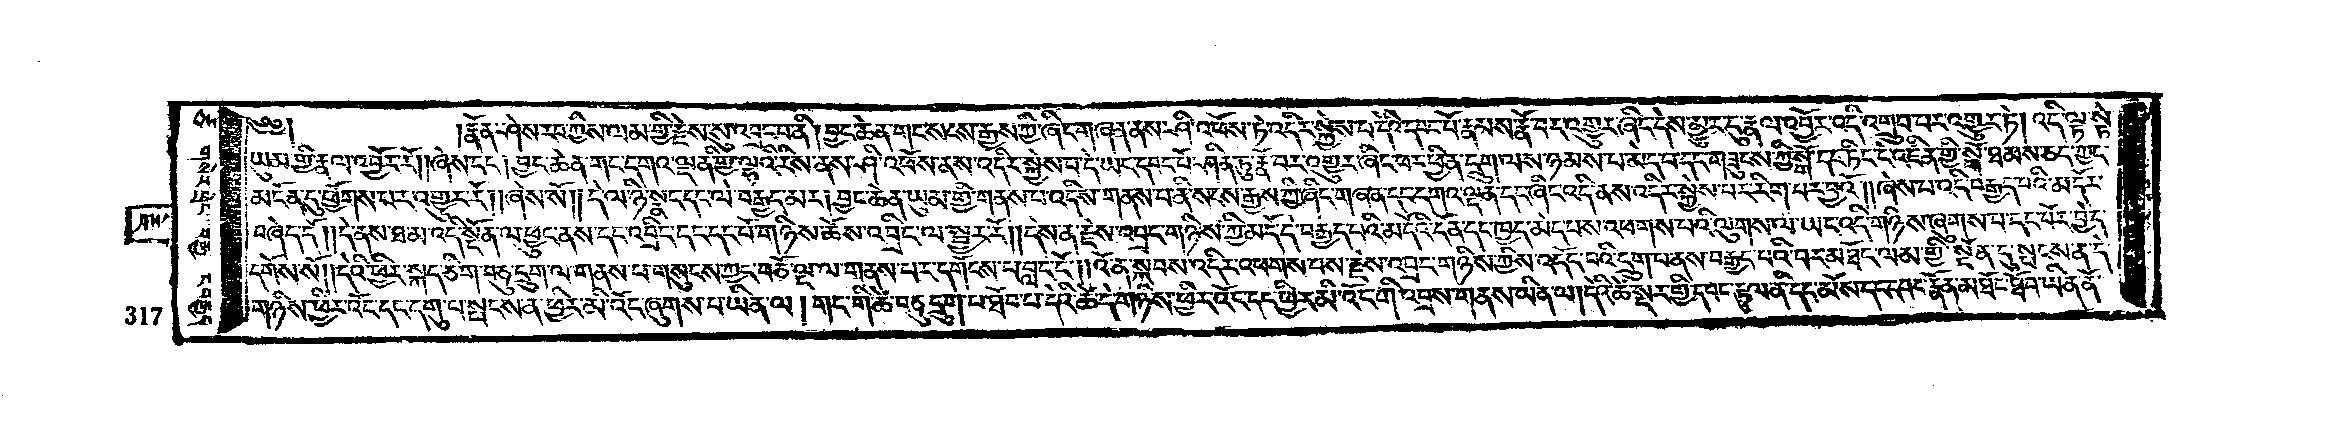༄༅། །རྣོན་ཤེས་རབ་ཀྱིས་ལམ་གྱི་རྗེས་སུ་འབྲང་བ་ནི། བྱང་ཆེན་གང་སངས་རྒྱས་ཀྱི་ཞིང་གཞན་ནས་ཤི་འཕོས་ཏེ་འདིར་སྐྱེས་པ་དེའི་དབང་པོ་རྣམས་རྣོ་བར་འགྱུར་ཞིང་དེས་མྱུར་དུ་རྣལ་འབྱོར་འདི་འགྲུབ་པར་འགྱུར་ཏེ། འདི་ལྟ་སྟེ་
ཡུམ་གྱི་རྣལ་འབྱོར་རོ། །ཞེས་དང་། བྱང་ཆེན་གང་དགའ་ལྡན་གྱི་ལྷའི་རིས་ནས་ཤི་འཕོས་ནས་འདིར་སྐྱེས་བ་དེ་ཡང་དབང་པོ་ཤིན་ཏུ་རྣོ་བར་འགྱུར་ཞིང་ཕར་ཕྱིན་དྲུག་ལས་ཉམས་པ་མེད་པ་དང་གཟུངས་ཀྱི་སྒོ་དང་ཏིང་ངེ་འཛིན་གྱི་སྒོ་ཐམས་ཅད་ཀྱང་
མངོན་དུ་ཕྱོགས་པར་འགྱུར་རོ། །ཞེས་སོ། །དེ་ལ་ཉི་སྣང་དང་ལེ་བརྒྱད་མར། བྱང་ཆེན་ཡུམ་གྱི་གནས་པ་འདིས་གནས་པ་ནི་སངས་རྒྱས་ཀྱི་ཞིང་གཞན་དང་དགའ་ལྡན་དང་ཞིང་འདི་ནས་འདིར་སྐྱེས་པར་རིག་པར་བྱའོ། །ཞེས་པ་འདི་བརྒྱད་པའི་མདོར་
བཞེད་དོ། །དེ་ནས་ཐ་མ་འདོ་སྔོན་ལ་ཕྱུང་ནས་དང་འབྲིང་དང་དང་པོ་གཉིས་ཆོས་འབྲིང་ལ་སྦྱར་རོ། །དེས་ན་རྗེས་འབྲང་གཉིས་ཀྱི་མདོ་དེ་བརྒྱད་པའི་མདོའི་དོན་དང་ཁྱད་མེད་པས་འཕགས་པའི་ལུགས་ལ་ཡང་འདི་གཉིས་ཞུགས་པ་དང་པོར་བྱེད་
དགོས་སོ། །དེའི་ཕྱིར་སྐད་ཅིག་བཅུ་དྲུག་ལ་གནས་པ་གསུངས་ཀྱང་བཅོ་ལྔ་ལ་གནས་པར་དགོངས་པ་བླང་ངོ། །འོ་ན་སྐབས་འདིར་འཕགས་པས་རྗེས་འབྲང་གཉིས་ཀྱིས་འདོད་པའི་དྲུག་པ་ནས་བརྒྱད་པའི་བར་མཐོང་ལམ་གྱི་སྔོན་དུ་སྤངས་ན་དེ་
གཉིས་ཕྱིར་འོང་དང་དགུ་པ་སྤངས་ན་ཕྱིར་མི་འོང་ཞུགས་པ་ཡིན་ལ། གང་གི་ཚེ་བཅུ་དྲུག་པ་ཐོབ་པ་དེའི་ཚེ་དེ་གཉིས་ཕྱིར་འོང་དང་ཕྱིར་མི་འོང་གི་འབྲས་གནས་ཡིན་ལ། དེའི་ཚེ་སྔར་གྱི་དབང་རྟུལ་ནི་དང་མོས་དང་དབང་རྣོན་མཐོང་ཐོབ་ཡིན་ནོ་